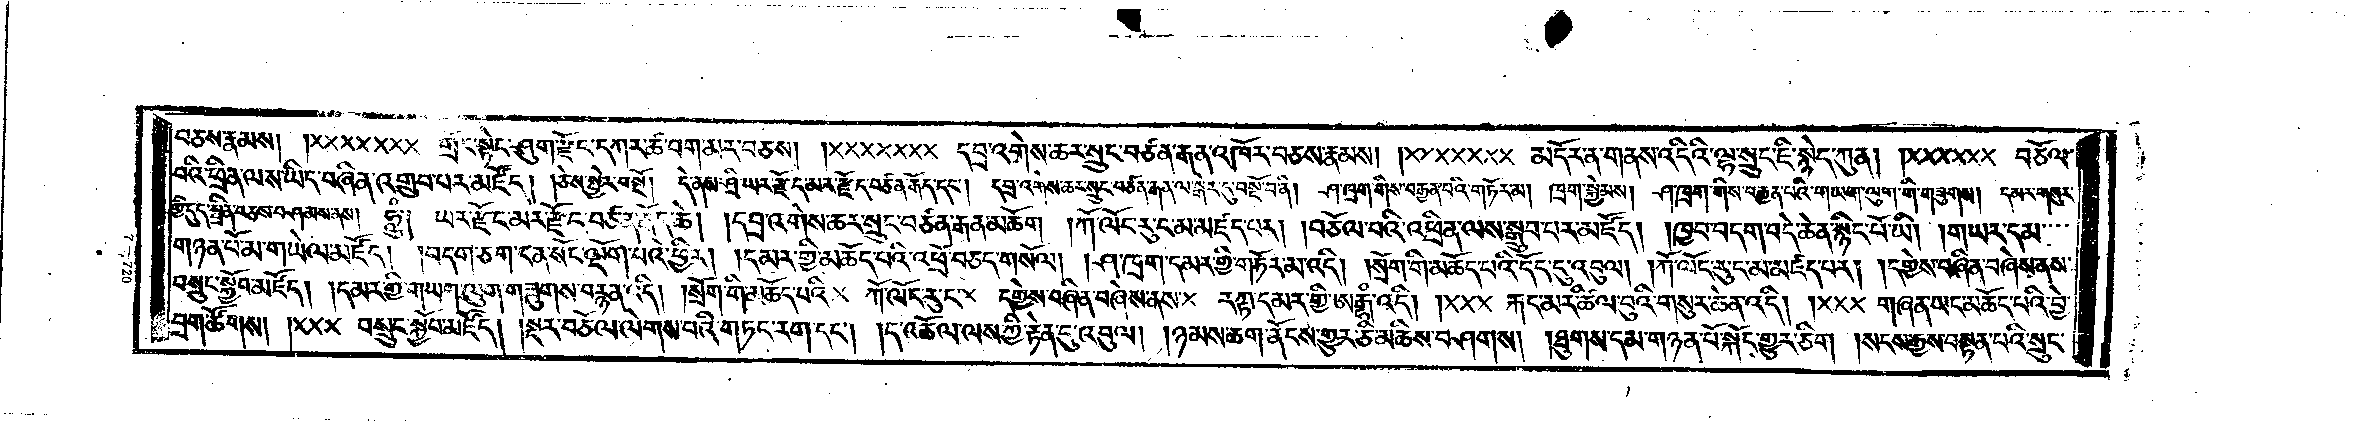བཅས་རྣམས། །྾྾྾་གྲོང་སྟེང་ཤུག་རྫོང་དཀར་ཚ་བག་མར་བཅས། །྾྾྾་དབྲ་འགེས་ཆར་སྲུང་བཙན་རྒན་འཁོར་བཅས་རྣམས། །྾྾྾་མདོར་ན་གནས་འདིའི་ལྷ་སྲུང་ཇི་སྙེད་ཀུན། །྾྾྾་བཅོལ་
བའི་ཕྲིན་ལས་ཡིད་བཞིན་འགྲུབ་པར་མཛོད། །ཅེས་སྦྱོར་བསྔོ། དེ་ནས་ཤྲི་ཡར་རྫོང་མར་རྫོང་བཙན་རྒོད་དང་། དབྲ་འགེས་ཆར་སྲུང་བཙན་རྒན་ལ་སྒེར་དུ་བསྔོ་བ་ནི། ཤ་ཁྲག་གིས་བརྒྱན་པའི་གཏོར་མ། ཁྲག་སྐྱེམས། ཤ་ཁྲག་གིས་བརྒྱན་པའི་གཡག་ལུག་གི་གཟུགས། དམར་གསུང་
གྱི་དུད་སྤྲིན་བཅས་བཤམས་ནས། ཧཱུཾ༑ ཡར་རྫོང་མར་རྫོང་བཙན་རྒོད་ཆེ། །དབྲ་འགེས་ཆར་སྲུང་བཙན་རྒན་མཆོག །ཀོ་ལོང་རུ་ང་མ་མཛད་པར། །བཅོལ་བའི་འཕྲིན་ལས་སྒྲུབ་པར་མཛོད། །ཁྱབ་བདག་བདེ་ཆེན་སྙིང་པོ་ཡི། །གཡར་དམ་
གཉན་པོ་མ་གཡེལ་མཛོད། །བདག་ཅག་ངན་སོང་ལྡོག་པའི་ཕྱིར། །དམར་གྱི་མཆོད་པའི་འཕྲོ་བཅད་གསོལ། །ཤ་ཁྲག་དམར་གྱི་གཏོར་མ་འདི། །སྲོག་གི་མཆོད་པའི་དོད་དུ་འབུལ། །ཀོ་ལོང་རུང་མ་མཛད་པར། །དགྱེས་བཞིན་བཞེས་ནས་
བསྲུང་སྐྱོབ་མཛོད། །དམར་གྱི་གཡག་ལུག་གཟུགས་བརྙན་འདི། །སྲོག་གི་མཆོད་པའི་྾་ཀོ་ལོང་རུ་ང་྾་དགྱེས་བཞིན་བཞེས་ནས་྾་རཀྟ་དམར་གྱི་ཨརྒྷཾ་འདི། །྾྾྾་རྐང་མར་ཚིལ་བུའི་གསུར་ཆེན་འདི། །྾྾྾་གཞན་ཡང་མཆོད་པའི་བྱེ་
བྲག་ཚོགས། །྾྾྾་བསྲུང་སྐྱོབ་མཛོད། །སྔར་བཅོལ་ལེགས་པའི་གཏང་རག་དང་། །ད་འཆོལ་ལས་ཀྱི་རྟེན་དུ་འབུལ། །ཉམས་ཆག་ནོངས་གྱུར་ཅི་མཆིས་བཤགས། །ཐུགས་དམ་གཉན་པོ་སྐོང་གྱུར་ཅིག །སངས་རྒྱས་བསྟན་པའི་སྲུང་